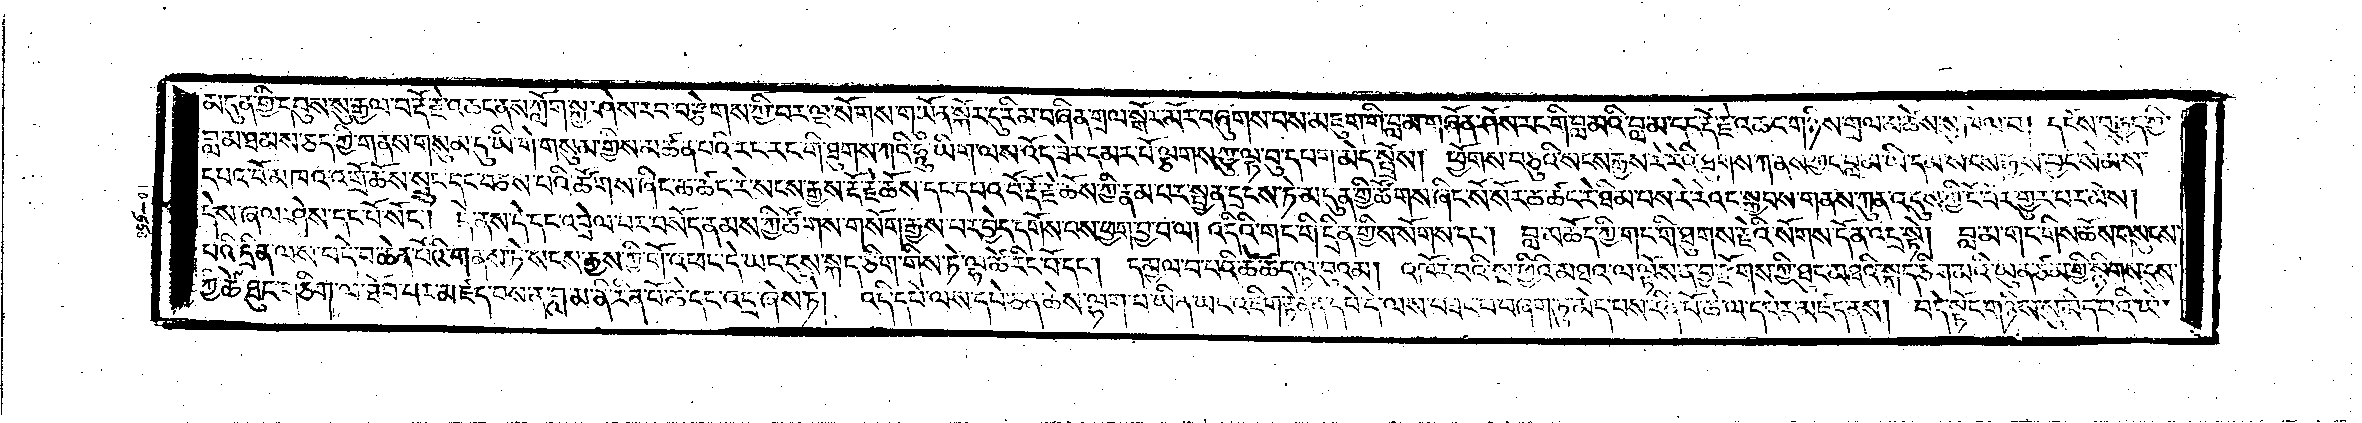མདུན་གྱི་དབུས་སུ་རྒྱལ་བ་རྡོ་རྗེ་འཆང་ནས་ཀློག་སྐྱ་ཤེས་རབ་བརྩེགས་ཀྱི་བར་ལྔ་སོགས་གཡོན་སྐོར་དུ་རིམ་བཞིན་གྲལ་སྒོར་མོར་བཞུགས་པས་མཇུག་གི་བླ་མ་གཞོན་ཤོས་རང་གི་བླ་མའི་བླ་མ་དང་རྡོ་རྗེ་འཆང་གཉིས་གྲལ་མཚེས་སུ་ཁེལ་བ། དངོས་བརྒྱུད་ཀྱི་
བླ་མ་ཐམས་ཅད་ཀྱི་གནས་གསུམ་དུ་ཡི་གེ་གསུམ་གྱིས་མཚན་པའི་རང་རང་གི་ཐུག་ཀའི་ཧཱུཾ་ཡིག་ལས་འོད་ཟེར་དམར་པོ་ལྕགས་ཀྱུ་ལྟ་བུ་དཔག་མེད་སྤྲོས། ཕྱོགས་བཅུའི་སངས་རྒྱས་རེ་རེའི་ཐུགས་ཀ་ནས་ཀྱང་བླ་མ་ཡི་དམ་སངས་རྒྱས་བྱང་སེམས་
དཔའ་བོ་མཁའ་འགྲོ་ཆོས་སྲུང་དང་བཅས་པའི་ཚོགས་ཞིང་ཆ་ཚང་རེ་སངས་རྒྱས་རྡོ་རྗེ་ཆོས་དང་དཔའ་བོ་རྡོ་རྗེ་ཆོས་ཀྱི་རྣམ་པར་སྤྱན་དྲངས་ཏེ་མདུན་གྱི་ཚོགས་ཞིང་སོ་སོར་ཆ་ཚང་རེ་ཐིམ་པས་རེ་རེའང་སྐྱབས་གནས་ཀུན་འདུས་ཀྱི་ངོ་བོར་གྱུར་པར་མོས།
དེས་ཞལ་ཤེས་དང་པོ་སོང་། དེ་ནས་དེ་དང་འབྲེལ་བར་བསོད་ནམས་ཀྱི་ཚོགས་གསོག་རྒྱས་པར་བྱེད་དགོས་པས་ཕྱག་བྱ་བ་ལ། འདིའི་གང་གི་དྲིན་གྱིས་སོགས་དང་། བླ་མཆོད་ཀྱི་གང་གི་ཐུགས་རྗེའི་སོགས་དོན་འདྲ་སྟེ། བླ་མ་གང་གིས་ཆོས་གསུངས་
པའི་དྲིན་ལས་བདེ་བ་ཆེན་པོའི་གནས་ཏེ་སངས་རྒྱས་ཀྱི་གོ་འཕང་དེ་ཡང་དུས་སྐད་ཅིག་གིས་ཏེ་ལྷ་ཚེ་རིང་བ་དང་། དམྱལ་བ་པའི་ཚེ་ཚད་ལྟ་བུའམ། འཁོར་བའི་སྔ་ཕྱིའི་མཐའ་ལ་ལྟོས་ན་བྱ་རྫོགས་ཀྱི་ཐུང་མཐའི་སྐད་ཅིག་མའི་ཡུན་ཙམ་གྱི་སྙིགས་དུས་
ཀྱི་ཚེ་ཐུང་གཅིག་ལ་ཐོབ་པར་མཛད་པས་ན་བླ་མ་ནི་རིན་པོ་ཆེ་དང་འདྲ་ཞེས་ཏེ། འདི་དཔེ་ལས་དཔེ་ཅན་ཆེས་ལྷག་པ་ཡིན་ཡང་འཇིག་རྟེན་ན་དཔེ་དེ་ལས་བཟང་བ་བཞག་ཏུ་མེད་པས་རིན་པོ་ཆེ་ལ་དཔེར་མཛད་ནས། བདེ་སྟོང་གཉིས་སུ་མེད་པའི་ཡེ་